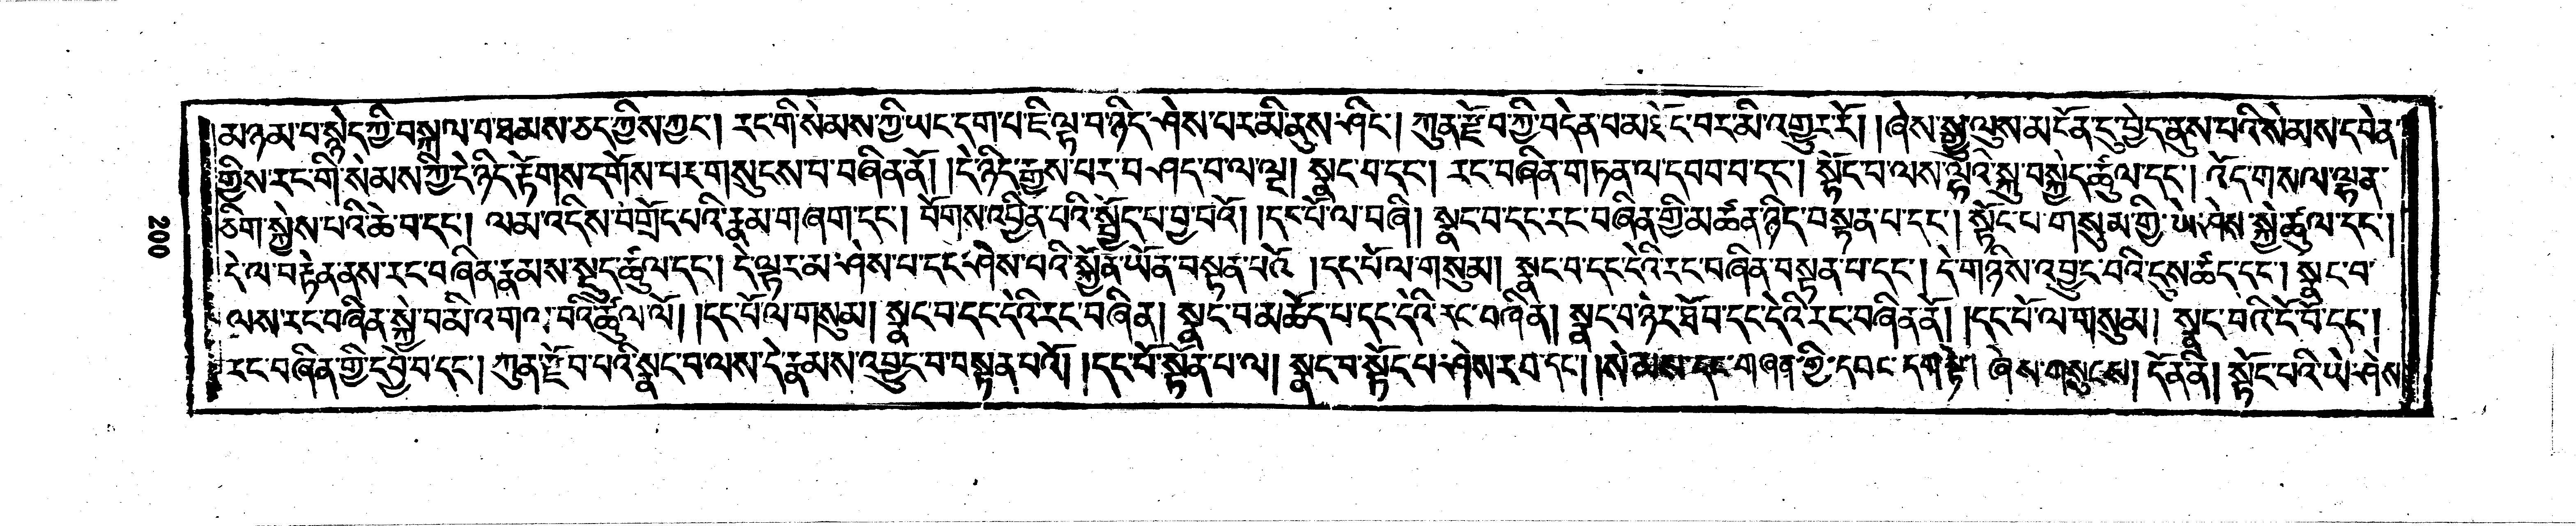མཉམ་པ་སྙེད་ཀྱི་བསྐལ་བ་ཐམས་ཅད་ཀྱིས་ཀྱང་། རང་གི་སེམས་ཀྱི་ཡང་དག་པ་ཇི་ལྟ་བ་ཉིད་ཤེས་པར་མི་ནུས་ཤིང་། ཀུན་རྫོབ་ཀྱི་བདེན་པ་མཐོང་བར་མི་འགྱུར་རོ། །ཞེས་སྒྱུ་ལུས་མངོན་དུ་བྱེད་ནུས་པའི་སེམས་དབེན་
གྱིས་རང་གི་སེམས་ཀྱི་དེ་ཉིད་རྟོགས་དགོས་པར་གསུངས་པ་བཞིན་ནོ། །དེ་ཉིད་རྒྱས་པར་བཤད་པ་ལ་ལྔ། སྣང་བ་དང་། རང་བཞིན་གཏན་ལ་དབབ་པ་དང་། སྟོང་པ་ལས་ལྷའི་སྐུ་བསྐྱེད་ཚུལ་དང་། འོད་གསལ་ལྷན་
ཅིག་སྐྱེས་པའི་ཆེ་བ་དང་། ལམ་འདིས་བགྲོད་པའི་རྣམ་གཞག་དང་། བོགས་འབྱིན་པའི་སྤྱོད་པ་བྱ་བའོ། །དང་པོ་ལ་བཞི། སྣང་བ་དང་རང་བཞིན་གྱི་མཚན་ཉིད་བསྟན་པ་དང་། སྟོང་པ་གསུམ་གྱི་ཡེ་ཤེས་སྐྱེ་ཚུལ་དང་།
དེ་ལ་བརྟེན་ནས་རང་བཞིན་རྣམས་སྡུད་ཚུལ་དང་། དེ་ལྟར་མ་ཤེས་པ་དང་ཤེས་པའི་སྐྱོན་ཡོན་བསྟན་པའོ། །དང་པོ་ལ་གསུམ། སྣང་བ་དང་དེའི་རང་བཞིན་བསྟན་པ་དང་། དེ་གཉིས་འབྱུང་བའི་དུས་ཚད་དང་། སྣང་བ་
ལས་རང་བཞིན་སྐྱེ་བ་མི་འགལ་བའི་ཚུལ་ལོ། །དང་པོ་ལ་གསུམ། སྣང་བ་དང་དེའི་རང་བཞིན། སྣང་བ་མཆོད་པ་དང་དེའི་རང་བཞིན། སྣང་བ་ཉེར་ཐོབ་དང་དེའི་རང་བཞིན་ནོ། །དང་པོ་ལ་གསུམ། སྣང་བའི་ངོ་བོ་དང་།
རང་བཞིན་གྱི་དབྱེ་བ་དང་། ཀུན་རྫོབ་པའི་སྣང་བ་ལས་དེ་རྣམས་འབྱུང་བ་བསྟན་པའོ། །དང་པོ་སྟོན་པ་ལ། སྣང་བ་སྟོང་པ་ཤེས་རབ་དང་། །སེམས་དང་གཞན་གྱི་དབང་དག་སྟེ། །ཞེས་གསུངས། དོན་ནི། སྟོང་པའི་ཡེ་ཤེས་